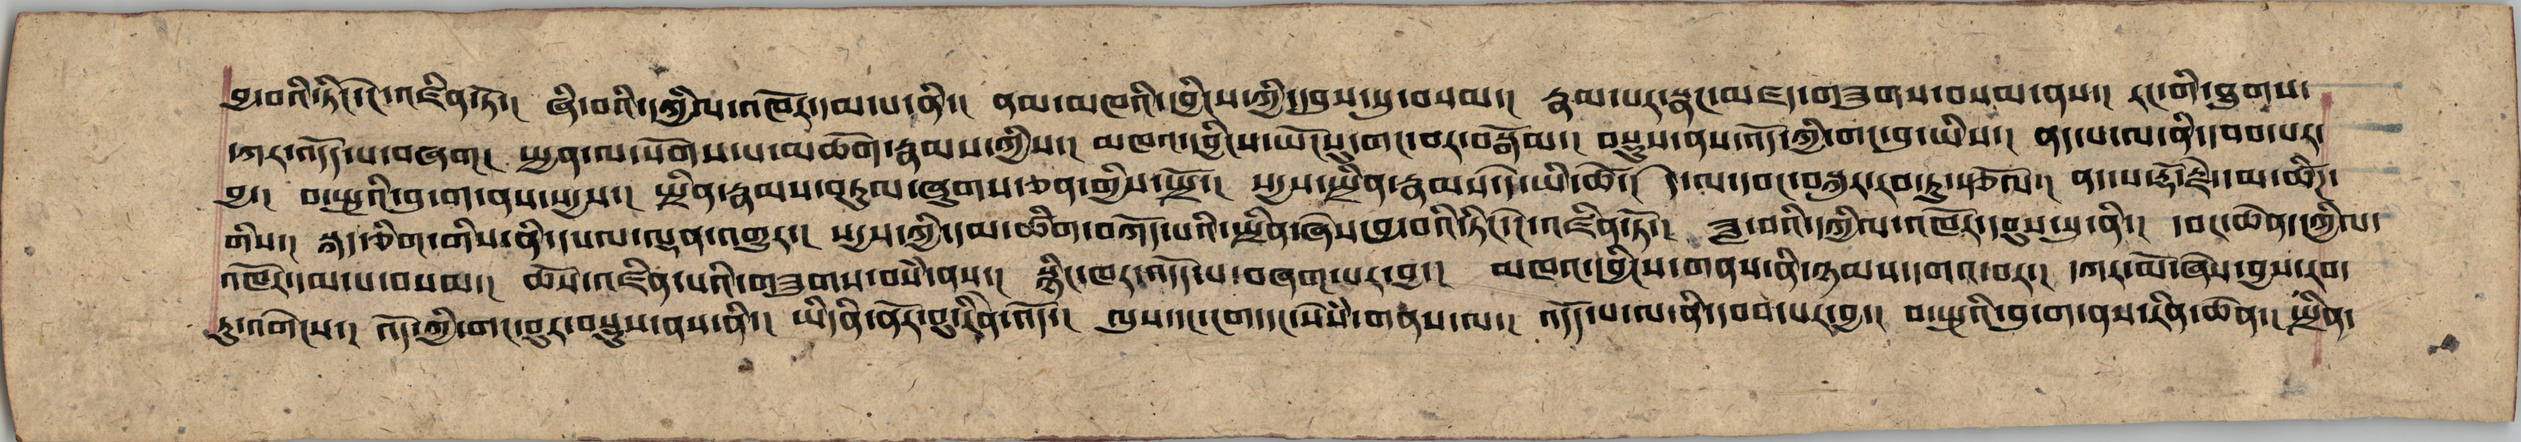བྱ་བའི་ཏིང་ངེ་འཛིན་ཏོ་། ཞི་བའི་དཀྱིལ་འཁོར་དམ་པ་ནི་། ནམ་མཁའི་དབྱིངས་ཀྱི་དབུས་སུ་བསམ་། རྣམ་པར་སྣང་མཛད་གཟུགས་བསམ་ནས་། རང་གི་ཐུགས་
དཀར་འདོདཔ་བཞག། སྤྱན་ལ་སོགས་པ་མཆོག་རྣམས་ཀྱིས་། མཁའ་དབྱིངས་ཡོངསུ་གང་བར་བསྒོམ་། བསྡུས་ནས་འོད་ཀྱི་གང་བུ་ཡིས་། ནད་པ་ལ་ནི་དབབ་པར་
བྱ་། བ་སྤུའི་བུ་ག་ནས་སདྱས་། སྤྲིན་རྣམས་བཏུལ་ཞུགས་ཅན་གྱིས་སྤྲོས་། སདྱས་སྤྲིན་རྣམས་དེ་ཡི་ཚེ་། དེ་ལ་དབང་བསྐུར་རབ་ཏུ་སྩོལ་། ནད་པ་རྡོ་རྗེ་དམ་ཚིཌ་
གིས་། སྐད་ཅིག་གིས་ནི་དཔལ་ལྡན་འགྱུར་། སདྱས་ཀྱི་དམ་ཚིག་བཀོད་པའི་སྤྲིན་ཞེས་བྱ་བའི་ཏིང་ངེ་འཛིན་ཏོ་། ཟླ་བའི་དཀྱིལ་འཁོར་དབུས་སུ་ནི་། དབང་ཆེན་དཀྱིལ་
འཁོར་དམ་པ་བསམ་། ཆོས་འཛིན་པའི་གཟུགས་བསཾ་ནས་། སྙིང་ཁར་འདོད་པ་བཞག་པར་བྱ་། མཁའ་དབྱིངས་གནས་ནི་ཉམས་དགའ་བར་། དཀར་མོ་ཞེས་བྱས་རབ་
ཏུ་འགེངས་། འོད་ཀྱི་གང་བུར་བསྡུས་ནས་ནི་། ཡིད་ནི་ནོར་བུ་རིེན་འོད་། ལུས་དང་ངག་དང་སེསཾ་གནས་ལ་། འདོད་པ་ལ་ནི་དབབ་པར་བྱ་། བ་སྤུའི་བུ་ག་ནས་རིན་ཆེན་། སྤྲིན་